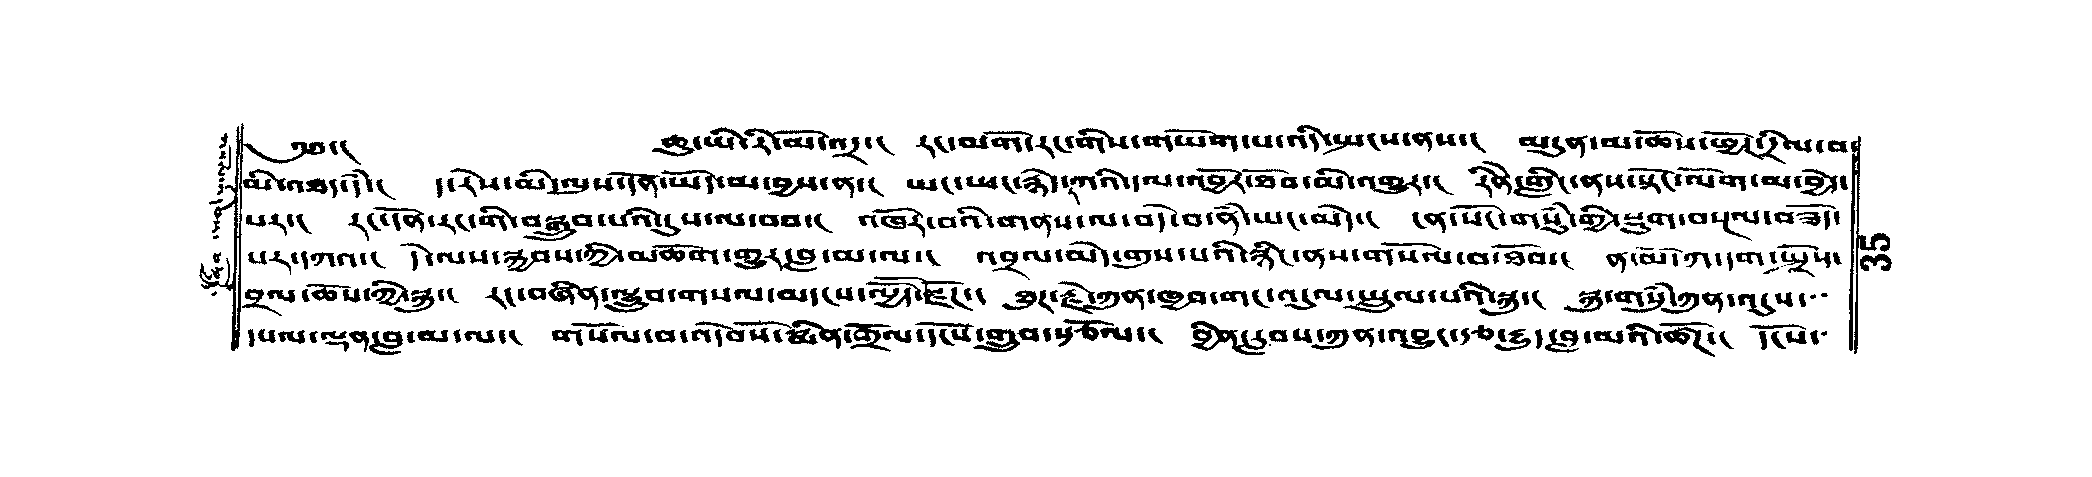ཆུ་ཡི་རི་མོ་འདྲ། །རང་མགོ་རང་གིས་གཡོག་པ་འདི་སྤངས་ནས། །མདུན་མ་ཆོས་ཕྱོགས་དྲིལ་བ་
མི་འཐད་དམ། །ད་རེས་མི་ལུས་དོན་ཡོད་མ་བྱས་ན། །ཡང་ཡང་རྙེད་དཀའི་དལ་འབྱོར་ཐོབ་མི་འགྱུར། །རིན་ཆེན་གླིང་ནས་སྟོང་ལོག་མ་བྱེད་
པར། །རང་དོན་རང་གི་བསྒྲུབ་པའི་དུས་ལ་བབ། །འཁོར་བའི་གནས་ལ་བདེ་བ་ནམ་ཡང་མེད། །ངན་སོང་གསུམ་གྱི་སྡུག་བསྔལ་བཟོད་
པར་དཀའ། །དེ་ལས་སྐྱབས་ཀྱི་མཆོག་གྱུར་བླ་མ་ལ། །འབྲལ་མེད་གུས་པའི་སྙིང་ནས་གསོལ་བ་ཐོབ། །ན་མོ་ཀ་དག་སྤྲོས་
བྲལ་ཆོས་ཀྱི་སྐུ། །རང་བཞིན་ལྷུན་གྲུབ་གསལ་མདངས་ལོངས་སྤྱོད་རྫོགས། །ཐུགས་རྗེ་ཀུན་ཁྱབ་གང་འདུལ་སྤྲུལ་པའི་སྐུ། །སྐུ་གསུམ་ཀུན་འདུས་
དཔལ་ལྡན་བླ་མ་ལ། །གསོལ་བ་འདེབས་སོ་སྨིན་གྲོལ་དངོས་གྲུབ་སྩོལ། །བྱིན་རླབས་ཀུན་འབྱུང་རྩ་རྒྱུད་བླ་མའི་ཚོགས། །དངོས་